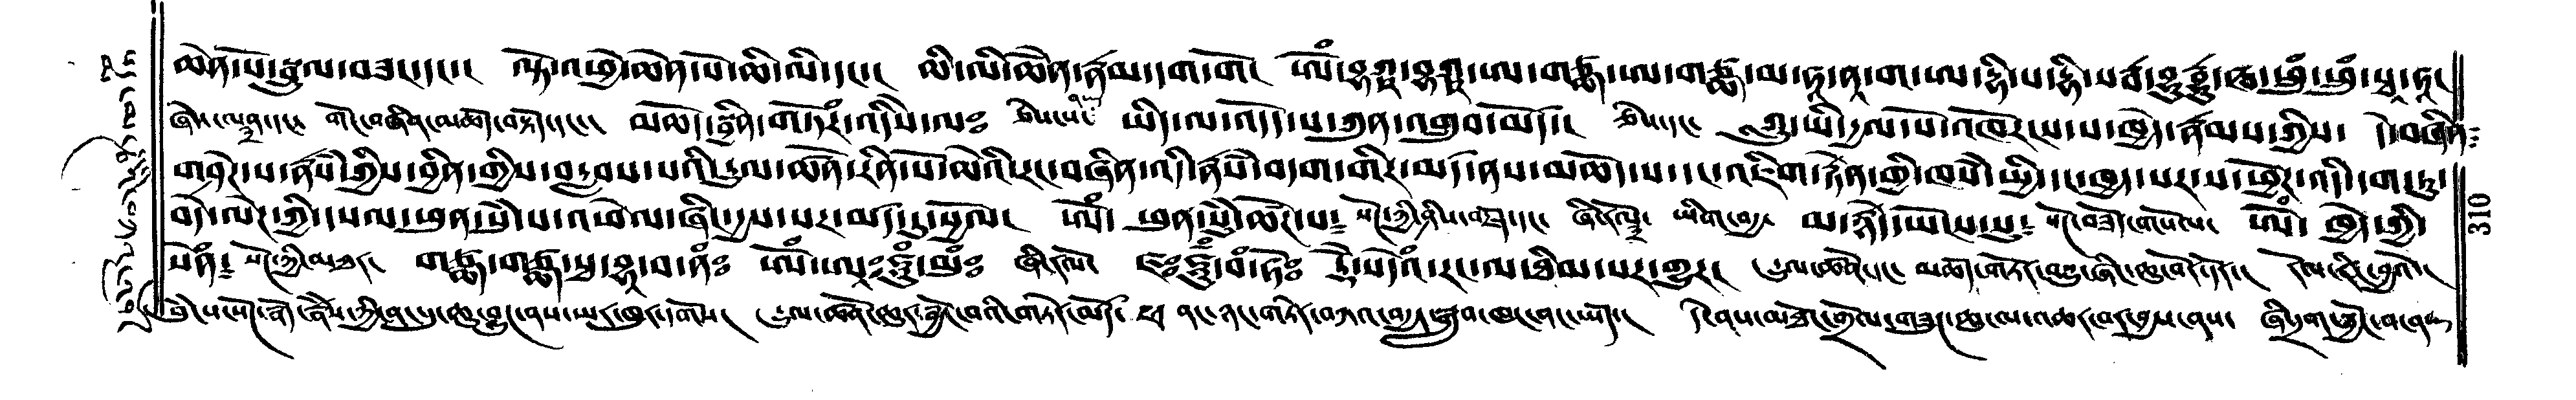ཆེན་པོ་སྦྲུལ་བཟང་དང་། །ལྟོ་འཕྱེ་ཆེན་པོ་ཚི་ལི་དང་། །ཚི་ལི་ཆེན་པོ་རྣམ་དག་གོ །ཨོཾ་བྷཀྵ་བྷཀྵ་ཨ་གཙྪ་ཨ་གཙྪ་མ་ཧཱ་ནཱ་ག་ཨ་དྷི་པ་དྷི་སརྦ་བྷུརྦྷུ་ཝ་ཕྲུཾ་ཕྲུཾ་སྭ་ཧཱ། 
ཞེས་ལན་གསུམ་དང་། གོང་བཞིན་མཆོད་བསྟོད་དང་། མཆོད་སྦྱིན་གཏོར་མ་འདི་བཞེས་ལ༴ ཅེས་པ་ནས། ཡིད་ལ་འདོད་པ་ཀུན་འགྲུབ་མཛོད། །ཅེས་དང་། ཀླུ་ཡི་རྒྱལ་པོ་འཁོར་དང་བཅས་པ་ཁྱེད་རྣམས་ཀྱིས་དེ་བཞིན་
གཤེགས་པ་རྣམས་ཀྱིས་བྱིན་གྱིས་བརླབས་པའི་རྡུལ་ཚོན་རིན་པོ་ཆེའི་རང་བཞིན་འདི་རྣམས་བདག་གིར་མཛད་ནས་མཆོད་པ་དང་འཇིག་རྟེན་གྱི་ཁམས་སྤྱི་དང་ཁྱད་པར་ས་ཕྱོགས་འདི་དག་ཏུ་
བདེ་ལེགས་ཀྱི་དཔལ་ཕུན་སུམ་ཚོགས་པ་འཕེལ་ཞིང་རྒྱས་པར་མཛད་དུ་གསོལ།ཨོཾ། ཕུན་སུམ་ཚོགས་པ༴ སོགས་ཀྱིས་ཤིས་བརྗོད་དང་། ཞི་རོལ། ཡིག་བརྒྱ། མ་རྙེད་ཡོངས་སུ༴ སོགས་བཟོད་གསོལ། ཨོཾ། ཁྱེད་ཀྱིས་
སེམས་ཅན༴ སོགས་ཀྱི་མཐར། གཙྪ་གཙྪ་སྭ་བྷཱ་བ་ནཾ། ཨོཾ་ཨཱཿཧཱུྃ་མུཾཿ ཞི་རོལ། ཛཿཧཱུྃ་བཾ་ཧོཿ རྡོ་རྗེ་སེམས་དཔའ་རང་ལ་ཐིམ་པར་གྱུར། རྡུལ་ཚོན་དང་། མཆོད་གཏོར་བསྡུ་ཞིང་ཆུ་བོར་དོར། རོལ་རིང་བྱའོ། 
བུམ་པ་སོགས་སྣོད་རྣམས་ཀྱི་ནང་དུ་ཆུ་བླུགས་ནས་ཡར་འཁུར་དགོས། རྡུལ་ཚོན་ཆུར་སྦྱོང་བའི་གཏེར་མཛོད་ནང་ཉང་གཏེར་བཀའ་བརྒྱད་སྒྲུབ་ཁོག་ནང་ཡོད། དེ་ནས་མཐོང་གྲོལ་གཟུགས་ཆུ་ལ་འཆར་བར་བྱས་ནས། ཞི་དྲག་སྦྱོང་བ་ནས།